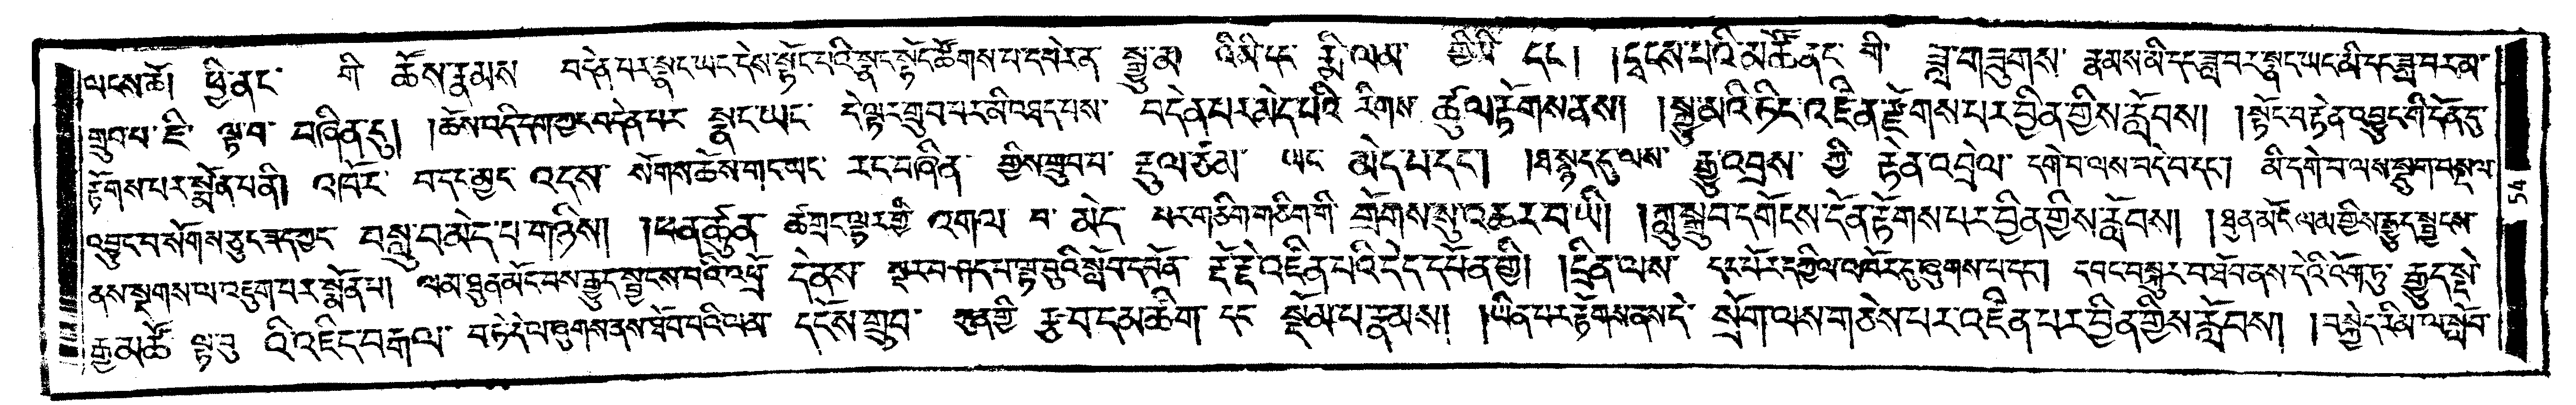ལངས་ཆོ། ཕྱི་ནང་གི་ཆོས་རྣམས་བདེན་པར་སྣང་ཡང་དེས་སྟོང་པའི་སྣང་སྟོང་ཚོགས་པ་དཔེར་ན་སྒྱུ་མ་འི་མི་དང་རྨི་ལམ་ཀྱི་མི་དང་། །དྭངས་པའི་མཚོ་ནང་གི་ཟླ་གཟུགས་རྣམས་མི་དང་ཟླ་བར་སྣང་ཡང་མི་དང་ཟླ་བར་མ་
གྲུབ་པ་ཇི་ལྟ་བ་བཞིན་དུ། །ཆོས་འདི་དག་ཀྱང་བདེན་པར་སྣང་ཡང་དེ་ལྟར་གྲུབ་པར་མི་འཐད་པས་བདེན་པར་མེད་པའི་རིགས་ཚུལ་རྟོགས་ནས། །སྒྱུ་མའི་ཏིང་འཛིན་རྫོགས་པར་བྱིན་གྱིས་རློབས། །སྟོང་བརྟེན་འབྱུང་གི་དོན་དུ་
རྟོགས་པར་སྨོན་པ་ནི། འཁོར་བ་དང་མྱང་འདས་སོགས་ཆོས་གང་ཡང་རང་བཞིན་གྱིས་གྲུབ་པ་རྡུལ་ཙམ་ཡང་མེད་པ་དང་། །ཐ་སྙད་དུ་ལས་རྒྱུ་འབྲས་ཀྱི་རྟེན་འབྲེལ་དགེ་བ་ལས་བདེ་བ་དང་། མི་དགེ་བ་ལས་སྡུག་བསྔལ་
འབྱུང་བ་སོགས་ཅུང་ཟད་ཀྱང་བསླུ་བ་མེད་པ་གཉིས། །ཕན་ཚུན་ཚ་གྲང་ལྟར་གྱི་འགལ་བ་མེད་པར་གཅིག་གཅིག་གི་གྲོགས་སུ་འཆར་བ་ཡི། །ཀླུ་སྒྲུབ་དགོངས་དོན་རྟོགས་པར་བྱིན་གྱིས་རློབས། །ཐུན་མོང་ལམ་གྱིས་རྒྱུད་སྦྱངས་
ནས་སྔགས་ལ་འཇུག་པར་སྨོན་པ། ལམ་ཐུན་མོང་བས་རྒྱུད་སྦྱངས་བའི་འཕྲོ་དེ་ནས་སྔར་བཤད་པ་ལྟ་བུའི་སློབ་དཔོན་རྡོ་རྗེ་འཛིན་པའི་དེད་དཔོན་གྱི། །དྲིན་ལས་དར?་པོར་དཀྱིལ་འཁོར་དུ་ཞུགས་པ་དང་། དབང་བསྐུར་བ་ཐོབ་ནས་དེའི་འོག་ཏུ་རྒྱུད་སྡེ་
རྒྱ་མཚོ་ལྟ་བུའི་འཇིད་བརྒལ་པ་ཧེ་དེ་ལ་ཞུགས་ནས་ཐོབ་པའི་ལམ་དངོས་གྲུབ་ཀུན་གྱི་རྩ་བ་དམ་ཚིག་དང་སྡོམ་པ་རྣམས། །ཡིན་པར་རྟོགས་ནས་དེ་སྲོག་ལས་གཅེས་པར་འཛིན་པར་བྱིན་གྱིས་རློབས། །བསྐྱེད་རིམ་ལ་སློབ་